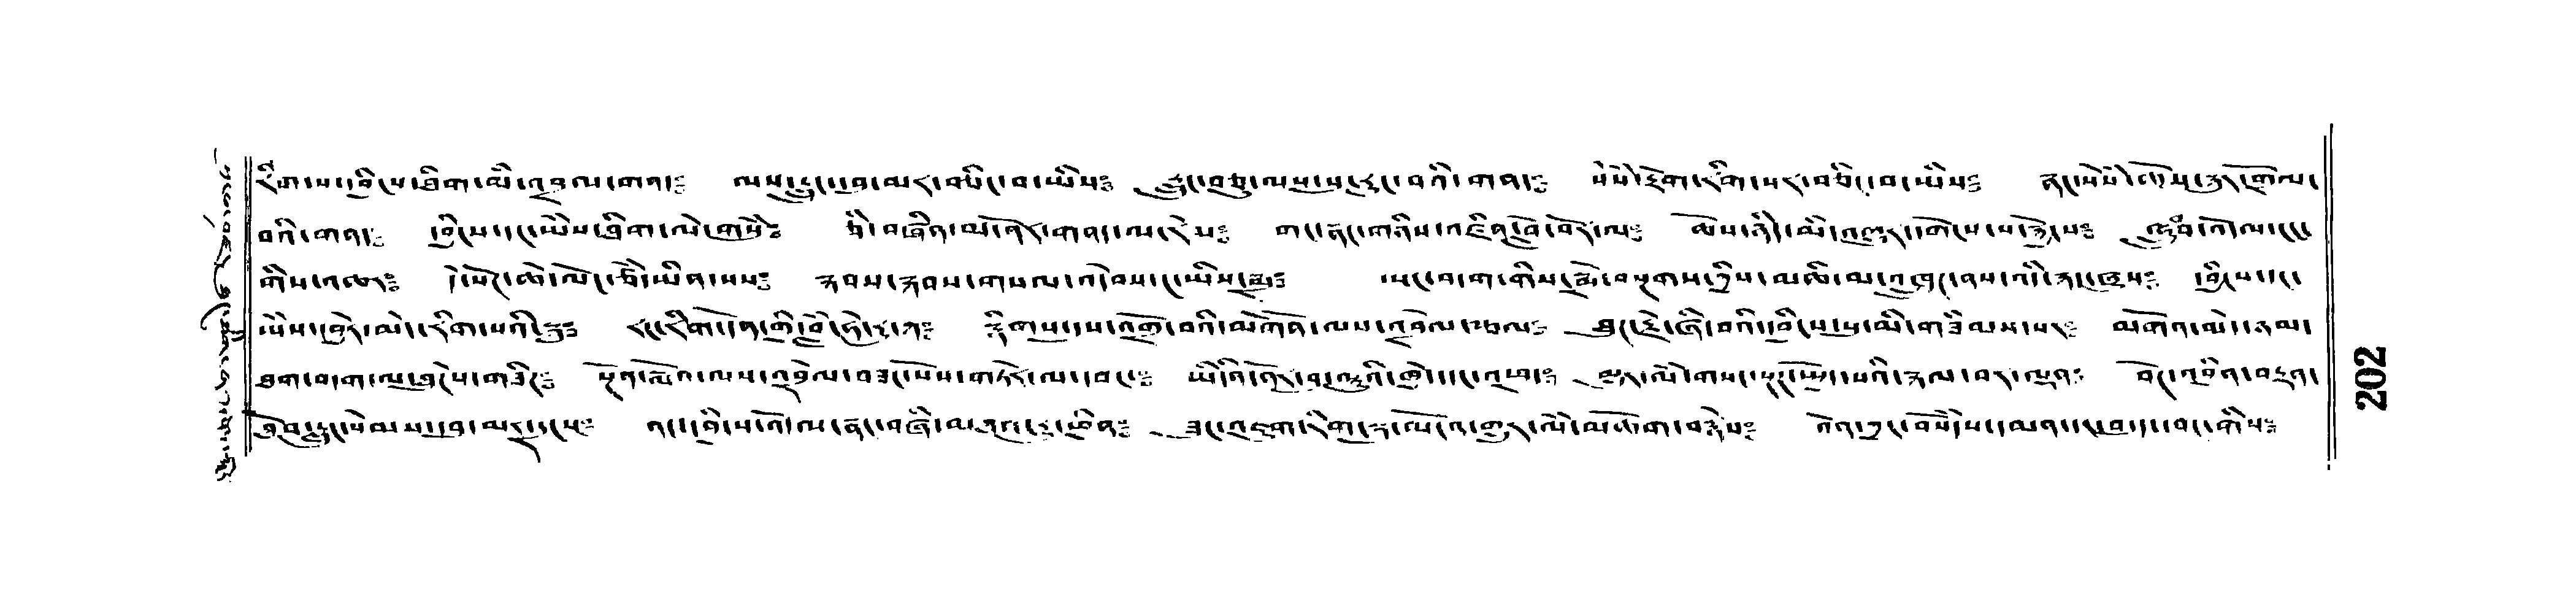རིག་པ་དབྱིངས་ཐིག་མི་འབྲལ་གནད༔ ལས་རླུང་དབུ་མར་བཅིང་བ་ཡིས༔ རླུང་བཅུ་ལས་སུ་རུང་བའི་གནད༔ སེམས་རྟོག་རིག་པར་བཅིངས་བ་ཡིས༔ སྣང་སེམས་ཆོས་སྐུར་གྲོལ་
བའི་གནད༔ དབྱིངས་དང་ཡེ་ཤེས་ཐིག་ལེ་གསུམ༔ ཅི་བཞིན་མ་ནོར་གནད་ལ་རེས༔ གང་སྣང་གཉིས་འཛིན་བློ་བོར་ལ༔ ཆོས་ཉིད་མི་འགྱུར་དགོངས་པ་སྐྱོངས༔ལྷུན་གྲུབ་འོད་གསལ་ངང་
གིས་འཆར༔ དེ་སོགས་ཆེ་ལོང་ཙམ་ཡིན་པས༔ སྐབས་སྐབས་གསལ་འདེབས་ང་ཡིས་སྨྲ༔ ཡང་བདག་གིས་སྨྲེ་སྔགས་ཀྱིས་མཆི་མ་འཁྲུགས་ནས་འདི་སྐད་ཞུས༔ དབྱིངས་དང་
ཡེ་ཤེས་དབྱེར་མེད་རིག་པའི་སྐུ༔ རང་རིག་དོན་གྱི་བླ་མ་ཧེ་རུ་ཀ༔ སྙིགས་དུས་འགྲོ་བའི་མགོན་པོ་ལས་འབྲེལ་རྩལ༔ ཐུགས་རྗེ་ཞི་བའི་དབྱིངས་སུ་མི་གཟིམས་པར༔ མགོན་མེད་ཉམ་
ཐག་བདག་ལ་ཐུགས་རྗེས་གཟིགས༔ སྔོན་སྨོན་ལས་འབྲེལ་བཟང་པོས་གཏེར་ལ་དབང༔ ཡིད་བཞིན་ནོར་བུ་ལྟ་བུའི་ཁྱེད་དང་འཕྲད༔ མྱུར་ལམ་གསང་སྔགས་སྤྱོད་པའི་སྐལ་བར་ལྡན༔ བོགས་འབྱིན་བརྟན་
ཐོབ་རླུང་སེམས་དབུ་མར་དྲངས༔ ནང་དབྱིངས་འོད་གསལ་སྣང་བཞི་མཐའ་རུ་ཕྱིན༔ ཟུང་འཇུག་རིག་སྐུ་མངོན་གྱུར་ལམ་མཆོག་བརྙེས༔ འོན་ཀྱང་བསོད་ནམས་དམན་དང་བདུད་དབང་གིས༔